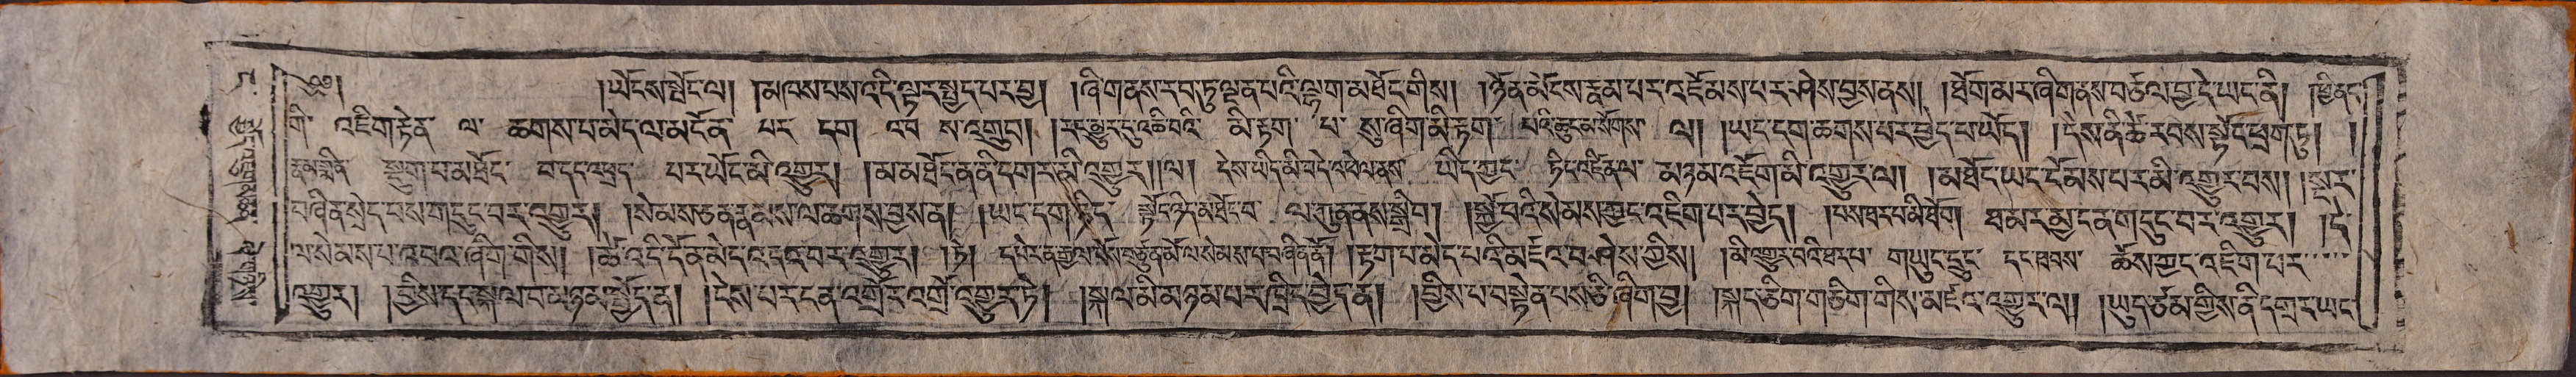༄༅། །ཡོངས་སྤོང་ལ། །མཁས་པས་འདི་ལྟར་སྤྱད་པར་བྱ། །ཞི་གནས་རབ་ཏུ་ལྡན་པའི་ལྷག་མཐོང་གིས། །ཉོན་མོངས་རྣམ་པར་འཇོམས་པར་ཤེས་བྱས་ནས། །ཐོག་མར་ཞིག་ནས་བཙལ་བྱ་དེ་ཡང་ནི། །ཕྱི་ནང་
གི་འཇིག་རྟེན་ལ་ཆགས་པ་མེད་ལ་མངོན་པར་དག་འ་བ་ས་འགྲུབ། །རང་མྱུར་དུ་འཆི་བའི་མི་རྟག་པ་སུ་ཞིག་མི་རྟག་པའི་ཆུང་མ་སོགས་ལ། །ཡང་དག་ཆགས་པར་བྱེད་པ་ཡོད། །དེས་ནི་ཚེ་རབས་སྟོང་ཕྲག་ཏུ། །
རྣམ་སྨིན་སྡུག་པ་མཐོང་བ་དང་འཕྲད་བར་ཡོང་མི་འགྱུར། །མ་མཐོང་ན་ནི་དགར་མི་འགྱུར། །ལ། དེས་ཡིད་མི་བདེ་འཕེལ་ནས་ཡིད་ཀྱང་ཏིང་འཛིན་ལ་མཉམ་འཇོག་མི་འགྱུར་ལ། །མཐོང་ཡང་གོམས་པར་མི་འགྱུར་བས། །སྔར་
བཞིན་སྲེད་པས་གདུང་བར་འགྱུར། །སེམས་ཅན་རྣམས་ལ་ཆགས་བྱས་ན། །ཡང་དག་ཉིད་སྟོང་ཉིད་མཐོང་བ་ལ་ཀུན་ན་སྒྲིབ། །སྐྱོ་བའི་སེམས་ཀྱང་འཇིག་པ་བྱེད། །པས་ཐར་པ་མི་ཐོབ།  ཐ་མར་མྱ་ངན་གདུང་བར་འགྱུར། །དེ་
ལ་སེམས་པ་འབའ་ཞིག་གིས། །ཚེ་འདི་དོན་མེད་འདའ་བར་འགྱུར། །ཏེ། དཔེར་ན་རྒྱལ་པོས་བཙུན་མོ་ལ་སེམས་པ་བཞིན་ནོ།  །རྟག་པ་མེད་པའི་མཛའ་བཤེས་ཀྱིས། །མི་འགྱུར་བའི་ཐར་བ་གཡུང་དྲུང་དྲང་ཐབས་ཆོས་ཀྱང་འཇིག་པར་
འགྱུར། །བྱིས་དང་སྐལ་བ་མཉམ་སྤྱོད་ན། །ངེས་པར་ངན་འགྲོར་འགྲོ་འགྱུར་ཏེ། །སྐལ་མི་མཉམ་པར་ཁྲིད་བྱེད་ན། །བྱིས་པ་བསྟེན་པས་ཅི་ཞིག་བྱ། །སྐད་ཅིག་གཅིག་གིས་མཛའ་འགྱུར་ལ། ཡུད་ཙམ་གྱིས་ནི་དགྲར་ཡང་